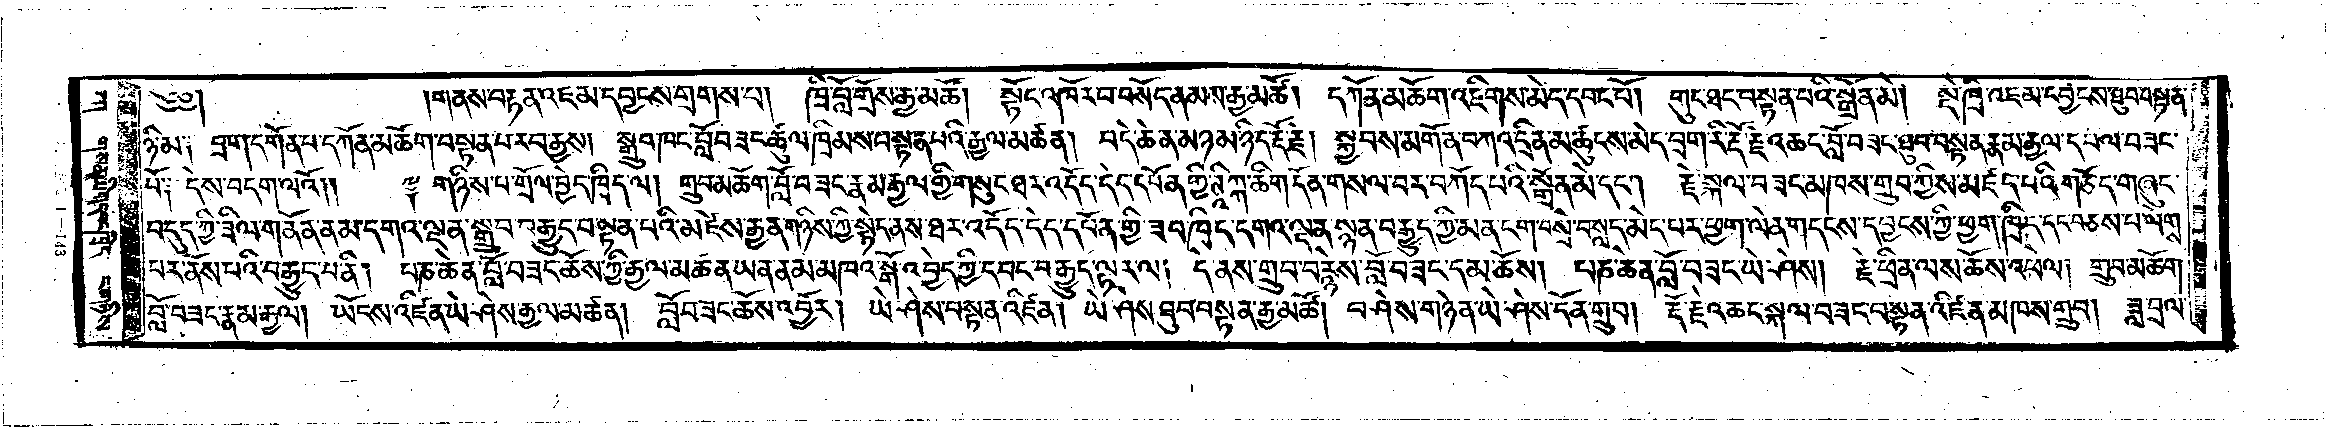༄༅། །གནས་བརྟན་འཇམ་དབྱངས་གྲགས་པ། ཁྲི་བློ་གྲོས་རྒྱ་མཚོ། སྟོང་འཁོར་བ་བསོད་ནམས་རྒྱ་མཚོ། དཀོན་མཆོག་འཇིགས་མེད་དབང་པོ། གུང་ཐང་བསྟན་པའི་སྒྲོན་མེ། སྡེ་ཁྲི་འཇམ་དབྱངས་ཐུབ་བསྟན་
ཉི་མ༑ བྲག་དགོན་པ་དཀོན་མཆོག་བསྟན་པར་བརྒྱས། སྒྲུབ་ཁང་བློ་བཟང་ཚུལ་ཁྲིམས་བསྟན་པའི་རྒྱལ་མཚན། བདེ་ཆེན་མཉམ་ཉིད་རྡོ་རྗེ། སྐྱབས་མགོན་བཀའ་དྲིན་མཚུངས་མེད་བྲག་རི་རྡོ་རྗེ་འཆང་བློ་བཟང་ཐུབ་བསྟན་རྣམ་རྒྱལ་དཔལ་བཟང་
པོ༑ དེས་བདག་ལའོ།། ༈ གཉིས་པ་གྲོལ་བྱེད་ཁྲིད་ལ། གྲུབ་མཆོག་བློ་བཟང་རྣམ་རྒྱལ་གྱི་གསུང་ཐར་འདོད་དེད་དཔོན་གྱི་ཊཱིཀྐ་ཚིག་དོན་གསལ་བར་བཀོད་པའི་སྒྲོན་མེ་དང་། རྗེ་སྐལ་བཟང་མཁས་གྲུབ་ཀྱིས་མཛད་པའི་གཅོད་གཞུང་
བདུད་ཀྱི་ཟིལ་གནོན་ནམ་དགའ་ལྡན་སྒྲུབ་བརྒྱུད་བསྟན་པའི་མཛེས་རྒྱན་གཉིས་ཀྱི་སྟེང་ནས་ཐར་འདོད་དེད་དཔོན་གྱི་ཟབ་ཁྲིད་དགའ་ལྡན་སྙན་བརྒྱུད་ཀྱི་མན་ངག་བསྲེ་བསླད་མེད་པར་ཕྱག་ལེན་གདངས་དབྱངས་ཀྱི་ཕྱག་ཁྲིད་དང་བཅས་པ་ལེགས་
པར་ནོས་པའི་བརྒྱུད་པ་ནི། པཎ་ཆེན་བློ་བཟང་ཆོས་ཀྱི་རྒྱལ་མཚན་ཡན་ནམ་མཁའ་སྒོ་འབྱེད་ཀྱི་དབང་བརྒྱུད་ལྟར་ལ། དེ་ནས་གྲུབ་བརྙེས་བློ་བཟང་དམ་ཆོས། པཎ་ཆེན་བློ་བཟང་ཡེ་ཤེས། རྗེ་ཕྲིན་ལས་ཆོས་འཕེལ། གྲུབ་མཆོག་
བློ་བཟང་རྣམ་རྒྱལ། ཡོངས་འཛིན་ཡེ་ཤེས་རྒྱལ་མཚན། བློ་བཟང་ཆོས་འབྱོར། ཡེ་ཤེས་བསྟན་འཛིན། ཡེ་ཤེས་ཐུབ་བསྟན་རྒྱ་མཚོ། བཤེས་གཉེན་ཡེ་ཤེས་དོན་གྲུབ། རྡོ་རྗེ་འཆང་སྐལ་བཟང་བསྟན་འཛིན་མཁས་གྲུབ། ཟླ་བྲལ་